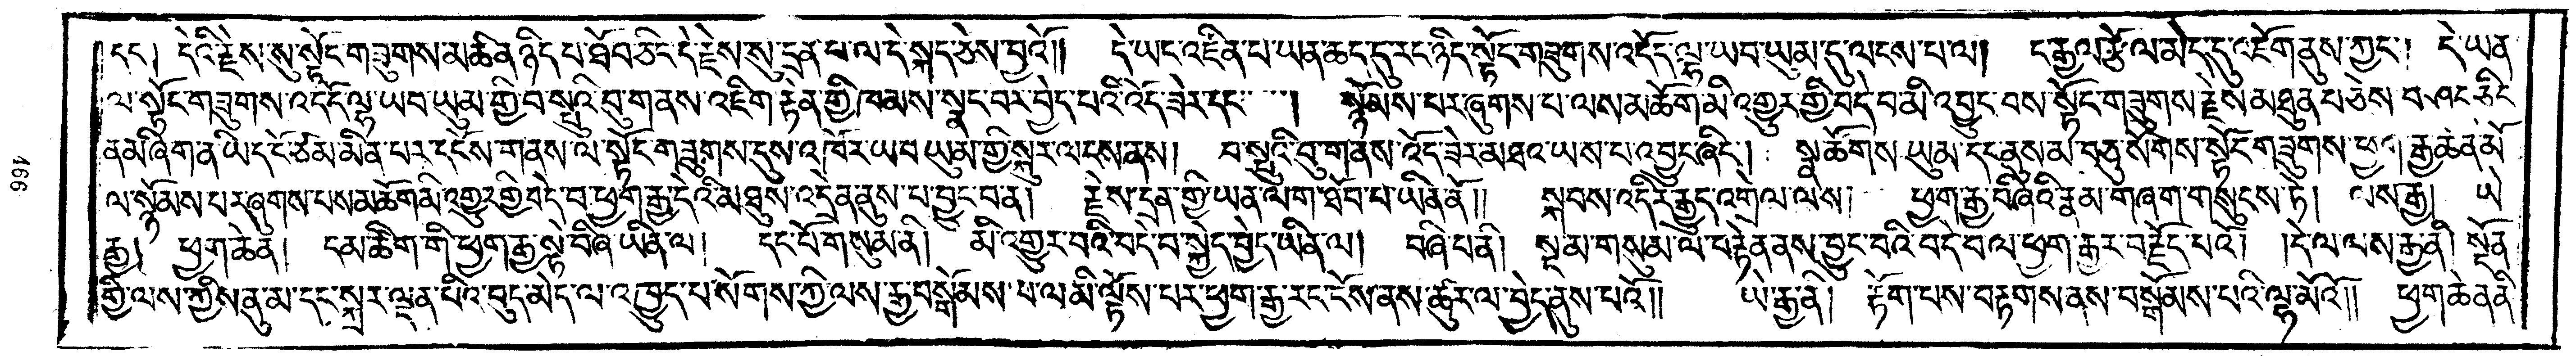དང་། དེའི་རྗེས་སུ་སྟོང་གཟུགས་མཆིན་ཉིད་པ་ཐོབ་ཅིང་དེ་རྗེས་སུ་དྲན་པ་ལ་དེ་སྐད་ཅེས་བྱའོ། །དེ་ཡང་འཛིན་པ་ཡན་ཆད་དུ་རང་ཉིད་སྟོང་གཟུགས་འདོད་ལྷ་ཡབ་ཡུམ་དུ་ལངས་པ་ལ། ང་རྒྱལ་རྩོལ་མེད་དུ་འཇོག་ནུས་ཀྱང་། དེ་ཡན་
ལ་སྟོང་གཟུགས་འདོད་ལྷ་ཡབ་ཡུམ་གྱི་བ་སྤུའི་བུ་གནས་འཇིག་རྟེན་གྱི་ཁམས་སྣང་པར་བྱེད་པའི་འོད་ཟེར་དང་། སྙོམས་པར་ཞུགས་པ་ལས་མཆོག་མི་འགྱུར་གྱི་བདེ་བ་མི་འབྱུང་བས་སྟོང་གཟུགས་རྗེས་མཐུན་པ་ཅེས་བཤད་ཅིང་
ནམ་ཞིག་ན་ཡིད་ངོ་ཙམ་མིན་པར་དངོས་གནས་ལ་སྟོང་གཟུགས་དུས་འཁོར་ཡབ་ཡུམ་གྱི་སྐུར་ལངས་ནས། བ་སྤུའི་བུ་གནས་འོད་ཟེར་མཐའ་ཡས་པ་འབྱུང་ཞིང་། སྣ་ཚོགས་ཡུམ་དང་ནུས་མ་བཅུ་སོགས་སྟོང་གཟུགས་ཕྱག་རྒྱ་ཆེན་མོ་
ལ་སྙོམས་པར་ཞུགས་པས་མཆོག་མི་འགྱུར་གྱི་བདེ་བ་ཕྱག་རྒྱ་དེའི་མཐུས་འདྲེན་ནུས་པ་བྱུང་བ་ན། རྗེས་དྲན་གྱི་ཡན་ལག་ཐོབ་པ་ཡིན་ནོ།། སྐབས་འདིར་རྒྱུད་འགྲེལ་ལས། ཕྱག་རྒྱ་བཞིའི་རྣམ་གཞག་གསུངས་ཏེ། ལས་རྒྱ། ཡེ་
རྒྱ༑ ཕྱག་ཆེན། དམ་ཚིག་གི་ཕྱག་རྒྱ་སྟེ་བཞི་ཡིན་ལ། དང་པོ་གསུམ་ནི། མི་འགྱུར་བའི་བདེ་བ་སྐྱེད་བྱེད་ཡིན་ལ། བཞི་པ་ནི། སྔ་མ་གསུམ་ལ་བརྟེན་ནས་བྱུང་བའི་བདེ་བ་ལ་ཕྱག་རྒྱར་བརྗོད་པའོ། །དེ་ལ་ལས་རྒྱ་ནི། སྔོན་
གྱི་ལས་ཀྱིས་ནུ་མ་དང་སྐྲར་ལྡན་པའི་བུད་མེད་ལ་འཁྱུད་པ་སོགས་ཀྱི་ལས་རྒྱ་བསྒོམས་པ་ལ་མི་ལྟོས་པར་ཕྱག་རྒྱ་རང་ངོས་ནས་ཚུར་ལ་བྱེད་ནུས་པའོ།། ཡེ་རྒྱ་ནི། རྟོག་པས་བརྟགས་ནས་བསྒོམས་པའི་ལྷ་མོའོ།། ཕྱག་ཆེན་ནི་